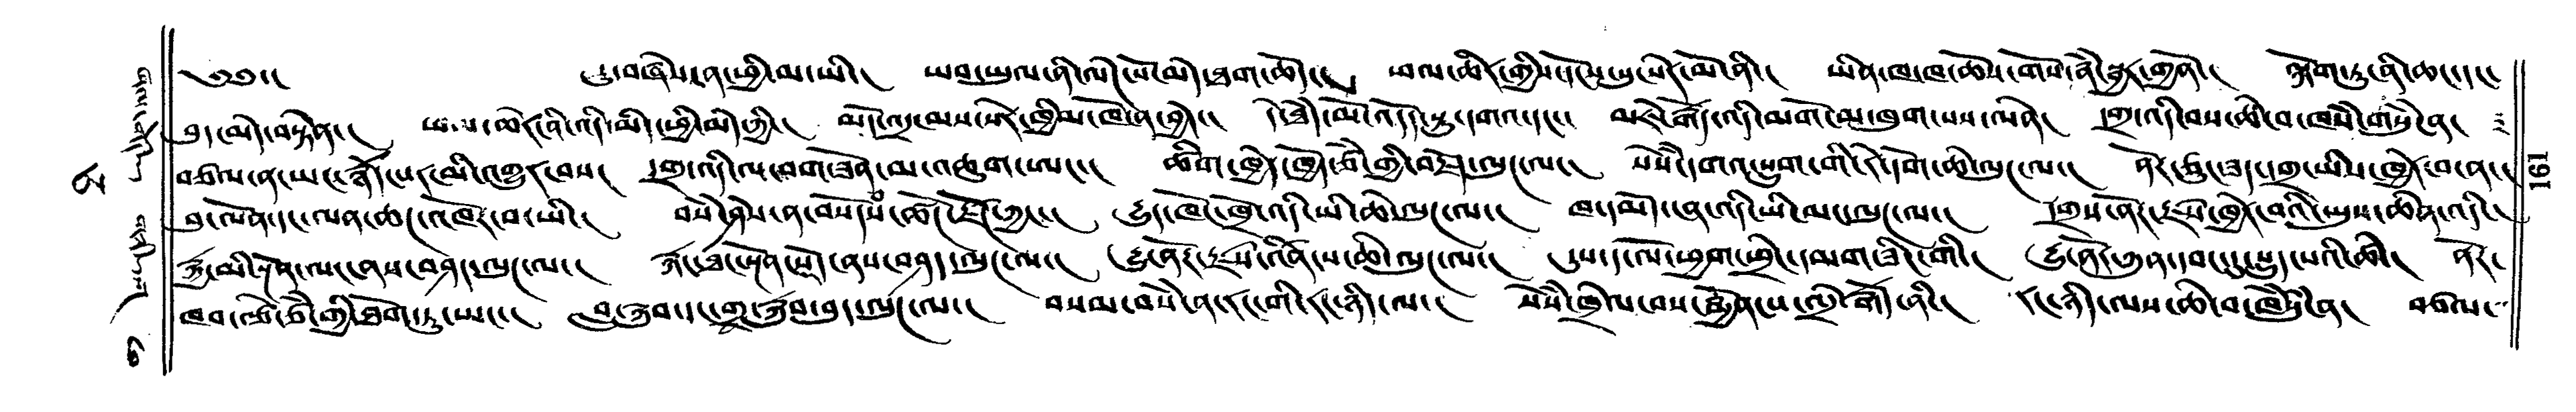རུ་བཞེས་ན་ཕྱི་མ་ཡི། །ཡབ་ཡུལ་ནི་ལེགས་པོ་མེད་ཐག་ཆོད། །ཕལ་ཆེར་གྱི་དངོས་སུ་སེར་མོ་ནི། །ཡིན་ཁ་ཁ་ཆོས་གོས་སྣམ་སྦྱར་གྱོན། །ལྐོག་ཏུ་ནི་ཆང་དང་
བུད་མེད་བསྟེན། །ཕལ་ཆེར་ནི་འདི་མེད་ཕྱི་མེད་ཀྱི། མདོ་འདྲ་མས་སེར་ཁྱིམ་ཁོ་ན་བྱེད། །དེ་ཐམས་ཅད་མོ་འདོད་སྟུ་དགའ་དང་། །མཇེ་རྒོད་འདི་མགོ་མ་ཁུག་པས་ལན། །དགྲ་འདི་བས་ཆེ་བ་ཁམས་གསུམ་ན། །
བཙལ་ན་ཡང་རྙེད་པར་མི་འགྱུར་བས། །དགྲ་འདི་ལ་བག་ཟོན་མ་འཆུགས་ཨང་། །ཚིག་ཁྱེད་ཁྱོད་ཙམ་གྱི་བརྗོད་ལུགས་ལ། །སེམས་དགའ་སྡུག་གི་རེ་དོགས་ཆེ་ལུགས་ལ། །ནོར་ཅུང་ཟད་དགྲ་ཡིས་ཁྱེར་བ་ན། 
བུ་ལོན་དང་ལན་ཆགས་འཁོར་བ་ཡི། བསམ་ཤེས་ན་བསོད་ནམས་ཚོགས་རྫོགས་ཀྱང་། །རྒྱུད་ཁོང་ཁྲོ་འདི་ཡི་ཆེ་ལུགས་ལ། ཁ་དམོད་ངན་འདི་ཡི་མང་ལུགས་ལ། །དགྲས་ནོར་རྫས་ཁྱེར་བའི་ཡུས་ཆེན་འདི། །
རྐྱ་མི་སྔོན་ལང་ནས་བཤད་ལུགས་ལ། །རྐང་ཐང་སྔོན་སྡོད་ནས་བཤད་ལུགས་ལ། །རྒྱུད་ནོར་རྫས་འཛིན་པ་ཆེ་ལུགས་ལ། །དུས་ད་ལོ་ཕྱག་ཕྲེང་དམག་གཟིང་གི །རྒྱུ་ནོར་ཀུན་དབང་དུ་སྡུད་པའི་ཚེ། །ནོར་
ཁབ་རྩེ་ཙམ་གྱི་ཐོག་ཏུ་ཡང་། །བླ་རྐུབ་དང་གྲྭ་རྐུབ་བུད་ལུགས་ལ། །བསམ་བསམ་ན་རང་གི་རང་ཉིད་ལ། །སེམས་ཁྲེལ་བས་སྨྱོན་པ་འདྲེ་རྒོད་ནི། །རང་ཉིད་ལས་ཆེ་བ་ཁམས་གསུམ་ན། །བཙལ་